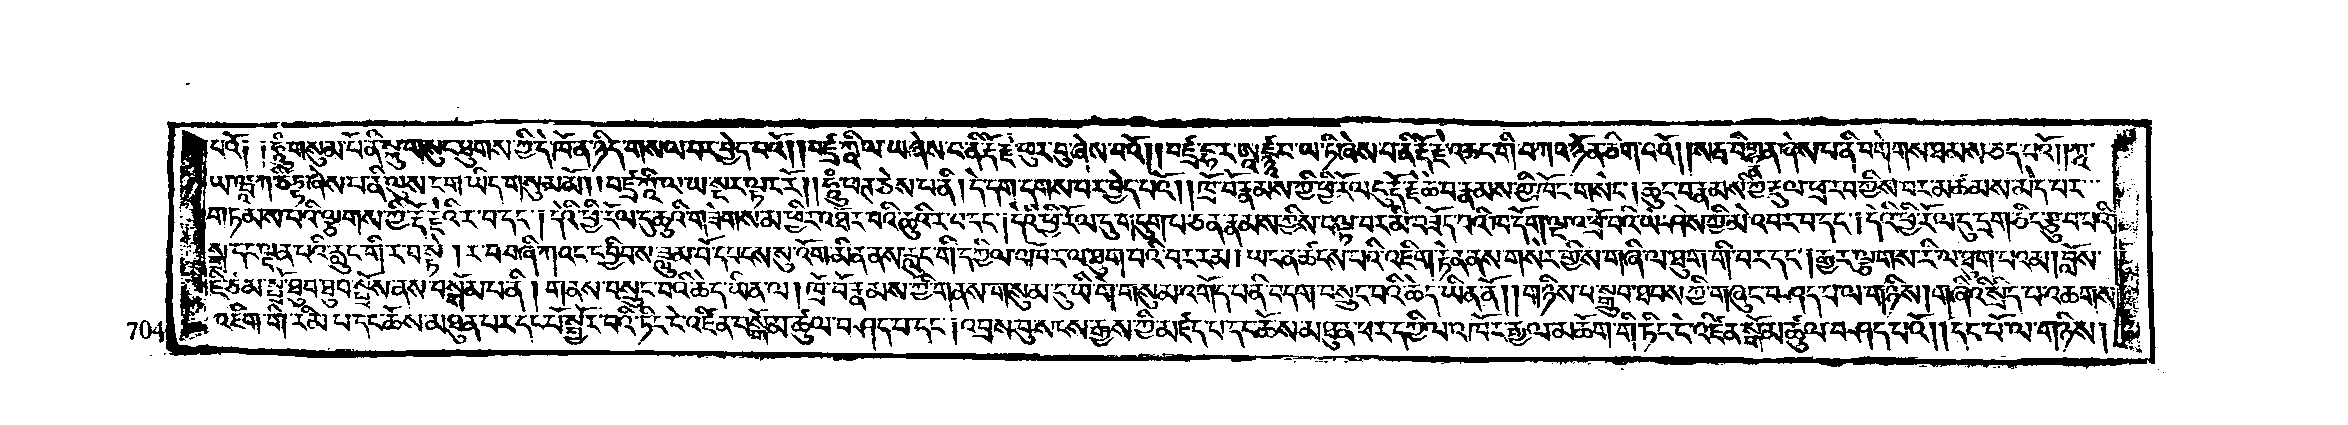པའོ༑ ༑ཧཱུཾ་གསུམ་པོ་ནི་སྐུ་གསུང་ཐུགས་ཀྱི་དེ་ཁོ་ན་ཉིད་གསལ་བར་བྱེད་པའོ། །བཛྲ་ཀཱི་ལ་ཡ་ཞེས་པ་ནི་རྡོ་རྗེ་ཕུར་བུ་ཞེས་པའོ། །བཛྲ་དྷ་ར་ཨཱཛྙཱ་པ་ཡ་ཏི་ཞེས་པ་ནི་རྡོ་རྗེ་འཆང་གི་བཀའ་ཉོན་ཅིག་པའོ། །སརྦ་བིགྷྣན་ཞེས་པ་ནི་བགེགས་ཐམས་ཅད་པའོ། །ཀཱ་
ཡ་ཝཱ་ཀ་ཙིཏྟ་ཞེས་པ་ནི་ལུས་ངག་ཡིད་གསུམ་མོ། །བཛྲ་ཀཱི་ལ་ཡ་སྔར་ལྟར་རོ། །ཧཱུཾ་ཕགས་ཅེས་པ་ནི། དེ་དག་དགས་པར་བྱེད་པའོ། །ཁྲོ་བོ་རྣམས་ཀྱི་ཕྱི་རོལ་དུ་རྡོ་རྗེ་ཆེ་བ་རྣམས་ཀྱི་ཁོང་གསེང་། ཆུང་བ་རྣམས་ཀྱི་རྡུལ་ཕྲ་རབ་ཀྱིས་བར་མཚམས་མེད་པར་
གཏམས་པའི་ལྕགས་ཀྱི་རྡོ་རྗེའི་ར་བ་དང་། དེའི་ཕྱི་རོལ་དུ་ཆུའི་གཟེགས་མ་ཕྱིར་འཐོར་བའི་ཆུའི་ར་བ་དང་། དེའི་ཕྱི་རོལ་དུ་གདུག་པ་ཅན་རྣམས་ཀྱིས་བལྟ་བར་མི་བཟོད་པའི་ཁ་དོག་ལྔ་འཕྲོ་བའི་ཡེ་ཤེས་ཀྱི་མི་འབར་བ་དང་། དེའི་ཕྱི་རོལ་དུ་དྲག་ཅིང་རྩུབ་པའི་
སྒྲ་དང་ལྡན་པའི་རླུང་གི་ར་བ་སྟེ། ར་བ་བཞི་ཀའང་དབྱིབས་ཟླུམ་པོ་དཔངས་སུ་འོག་མིན་ནས་རླུང་གི་དཀྱིལ་འཁོར་ལ་ཐུག་པའི་བར་རམ། ཡང་ན་ཚངས་པའི་འཇིག་རྟེན་ནས་གསེར་གྱི་ས་གཞི་ལ་ཐུག་གི་བར་དང་། རྒྱར་ལྕགས་རི་ལ་ཐུག་པའམ། བློས་
ཇི་ཙམ་སྤྲོ་ཐུབ་ཐུབ་སྤྲོས་ནས་བསྒོམ་པ་ནི། གནས་བསྲུང་པའི་ཆེད་ཡིན་ལ། ཁྲོ་བོ་རྣམས་ཀྱི་གནས་གསུམ་དུ་ཡི་གེ་གསུམ་འགོད་པ་ནི་བདག་བསྲུང་བའི་ཆེད་ཡིན་ནོ། །གཉིས་པ་སྒྲུབ་ཐབས་ཀྱི་གཞུང་བཤད་པ་ལ་གཉིས། གཞིའི་སྲིད་པ་འཆགས་
འཇིག་གི་རིམ་པ་དང་ཆོས་མཐུན་པར་དང་པོ་སྦྱོར་བའི་ཏིང་ངེ་འཛིན་བསྒོམ་ཚུལ་བཤད་པ་དང་། འབྲས་བུ་སངས་རྒྱས་ཀྱི་མཛད་པ་དང་ཆོས་མཐུན་པར་དཀྱིལ་འཁོར་རྒྱལ་མཆོག་གི་ཏིང་ངེ་འཛིན་སྒོམ་ཚུལ་བཤད་པའོ། །དང་པོ་ལ་གཉིས།